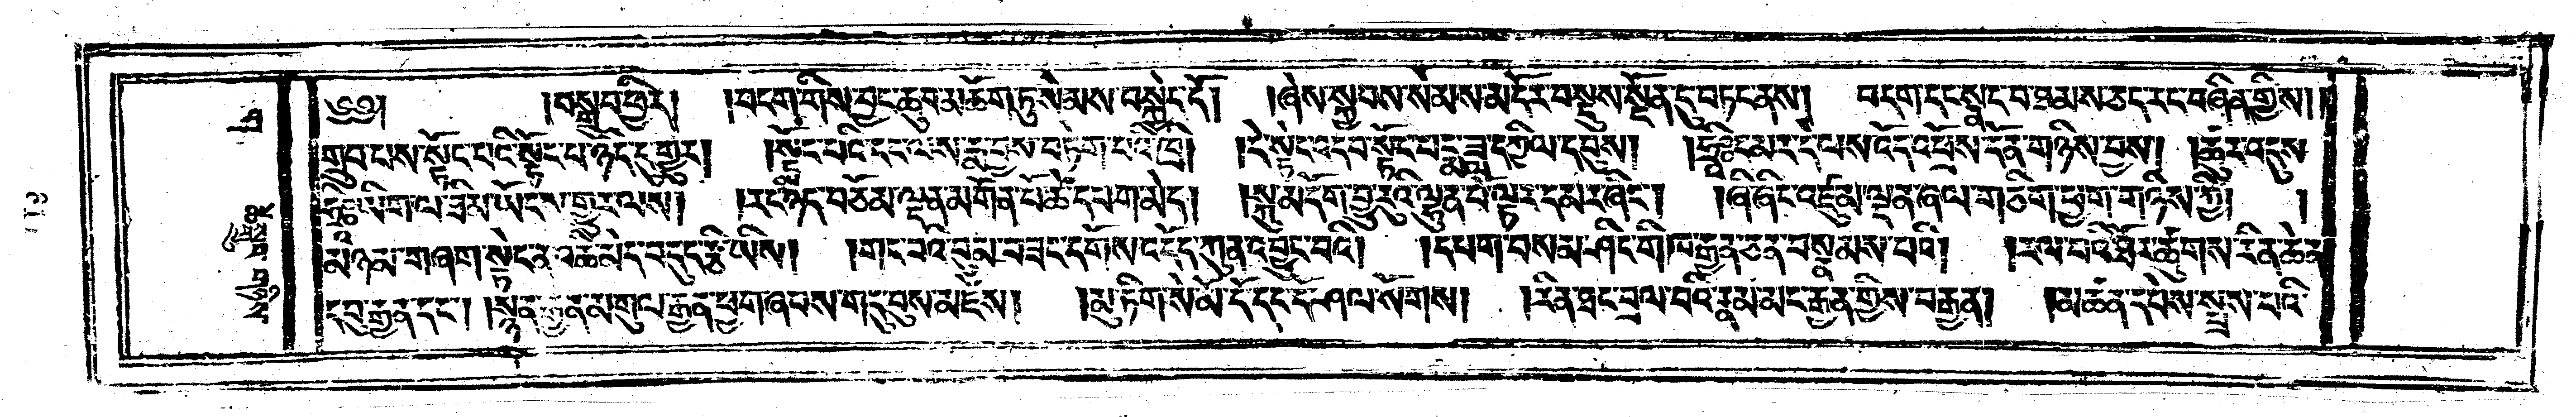༄༅། །བསྒྲུབ་ཕྱིར། །བདག་གིས་བྱང་ཆུབ་མཆོག་ཏུ་སེམས་བསྐྱེད་དོ། །ཞེས་སྐྱབས་སེམས་མདོར་བསྡུས་སྔོན་དུ་བཏང་ནས། བདག་དང་སྣང་བ་ཐམས་ཅད་རང་བཞིན་གྱིས། །
གྲུབ་པས་སྟོང་པའི་སྟོང་པ་ཉིད་དུ་གྱུར། །སྟོང་པའི་ངང་ལས་རྨ་བྱས་བཏེག་པའི་ཁྲི། །དེ་སྟེང་འདབ་སྟོང་པདམ་ཟླ་དཀྱིལ་དབུས། །ཧྲཱིཿ དམར་དེ་ལས་འོད་འཕྲོས་དོན་གཉིས་བྱས། །ཚུར་འདུས་
ཧྲཱིཿ ཡིག་ལ་ཐིམ་ཡོངས་གྱུར་ལས། །རང་ཉིད་བཅོམ་ལྡན་མགོན་པོ་ཚེ་དཔག་མེད། །སྐུ་མདོག་བྱུ་རུའི་ལྷུན་པོ་ལྟར་དམར་ཞིང་། །ཞི་ཞིང་འཛུམ་ལྡན་ཞལ་གཅིག་ཕྱག་གཉིས་ཀྱི། །
མཉམ་གཞག་སྟེང་ན་འཆི་མེད་བདུད་རྩི་ཡིས། །གང་བའི་བུམ་བཟང་དགོས་འདོད་ཀུན་འབྱུང་བའི། །དཔག་བསམ་ཤིང་གི་ཁ་རྒྱན་ཅན་བསྣམས་པའི། །རླ་བའི་ཐོར་ཚུགས་རིན་ཆེན་
དབུ་རྒྱན་དང་། །སྙན་རྒྱན་མགུལ་རྒྱན་ཕྱག་ཞབས་གདུ་བུས་མཛེས། །མུ་ཚིག་སེ་མོ་དོ་དང་དོ་ཤལ་སོགས། །རིན་ཐང་བྲལ་བའི་རྣམ་མང་རྒྱན་གྱིས་བརྒྱན། །མཚན་དེབས་སྤྲས་པའི་